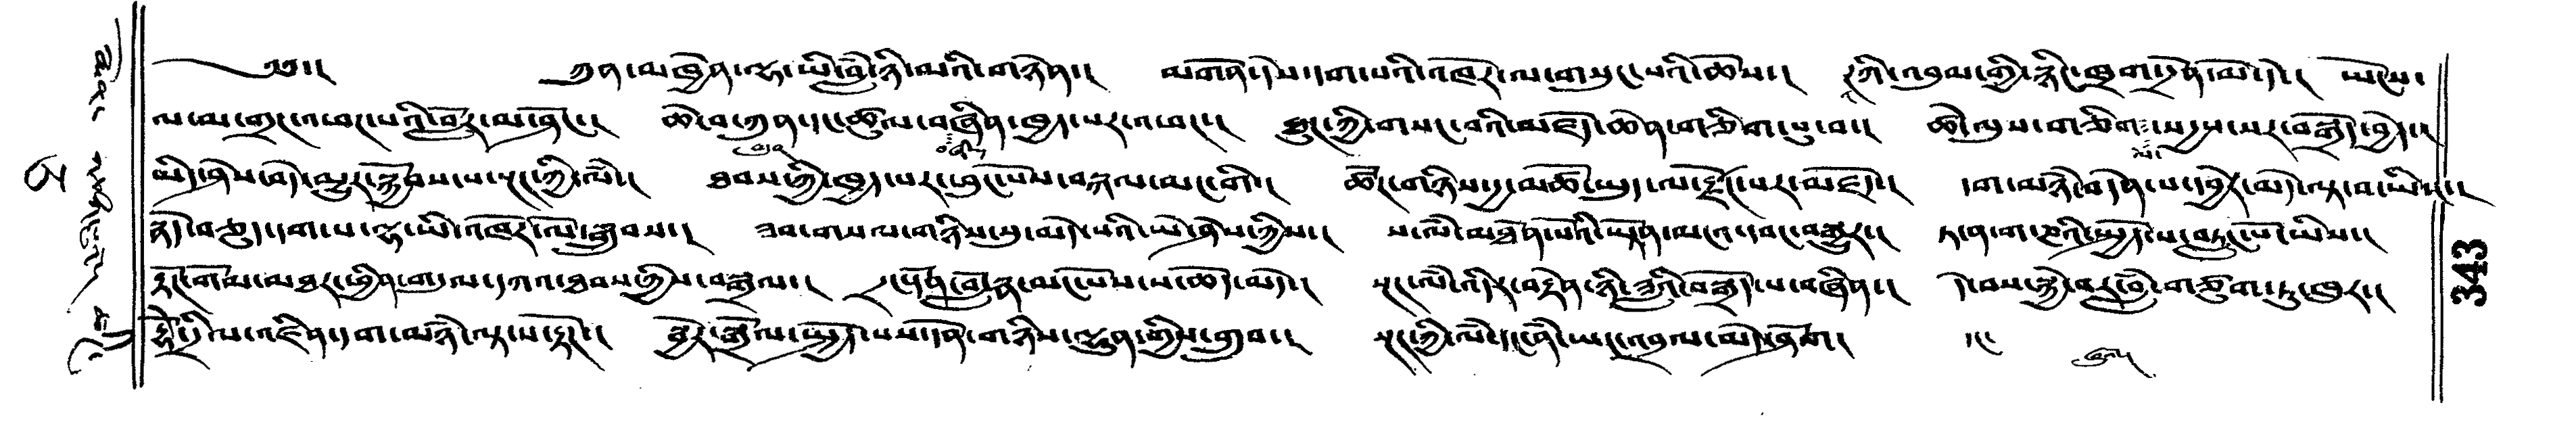༄༅། ཀུན་མཁྱེན་ལྷ་ཡི་བླ་མ་ཉི་མའི་གཉེན། །མགོན་དེས་དག་པའི་འཁོར་ལ་གསུངས་པའི་ཆོས། །ཌཱཀྐྀ་འབུམ་གྱི་སྙིང་ཁྲག་དྲོན་མོ་དེ། །ཡོངས་
ལ་མ་གྲགས་འཕགས་པའི་བློར་མ་ཤོང་། །ཆེ་བ་བདུན་དང་ཚུལ་བཞིས་ཁྱད་པར་འཕགས། །ཐུགས་ཀྱི་གསང་བའི་མཛོད་ཆེན་གཅིག་པུ་བ། །ཚེ་ལུས་གཅིག་ལ་སངས་རྒྱས་སར་བགྲོད་བྱེད། །
ཡིད་ཤེས་བདེ་མྱུར་སྐྱོབ་པ་སྔགས་ཀྱི་ལམ། །ཐབས་ཀྱི་ཁྱད་པར་འཕགས་པས་བསྐལ་མང་གིས། །ཚོགས་གཉིས་རྒྱ་མཚོ་ཡུད་ལ་རྫོགས་པར་མཛོད། །དག་མཉམ་བདེན་པ་དབྱེར་མེད་ལྟ་བ་ཡིན། །
སྣོད་བཅུད་དག་པ་ལྷ་ཡི་འཁོར་ལོ་སྒྲུབས། །ཟབ་གསལ་གཉིས་སུ་མེད་པའི་ཡེ་ཤེས་ཀྱིས། །ས་ལམ་མཐོན་པོའི་ཡོན་ཏན་མངའ་དབང་བསྒྱུར། །ཏ་ན་ག་ཎའི་སྤྱོད་པ་བརླང་པོ་ཡིས། །
རྟོགས་གོམས་མཐར་ཕྱིན་གདུལ་དཀའ་ཐབས་ཀྱིས་བསྒྲལ། །དྲང་དོན་བློ་སྣ་མང་པོས་ས་ཆོད་མེད། །སྔགས་ལམ་འདིར་བསྟེན་ཉི་ཟླའི་བགྲོད་པ་བཞིན། །དེ་བས་སྐྱེ་བར་བླ་མ་གཙུག་ཏུ་ཁུར། །
རྡོ་རྗེ་དྲིལ་འཛིན་དག་མཉམ་ལྟ་པ་རྟོགས། །སྦྱོར་སྒྲོལ་སྤྱོད་པས་དོན་གཉིས་ལྷུན་གྱིས་གྲུབ། །སྔགས་ཀྱི་ལམ་དང་ནམ་ཡང་འབྲལ་མེད་ཤོག དང་།